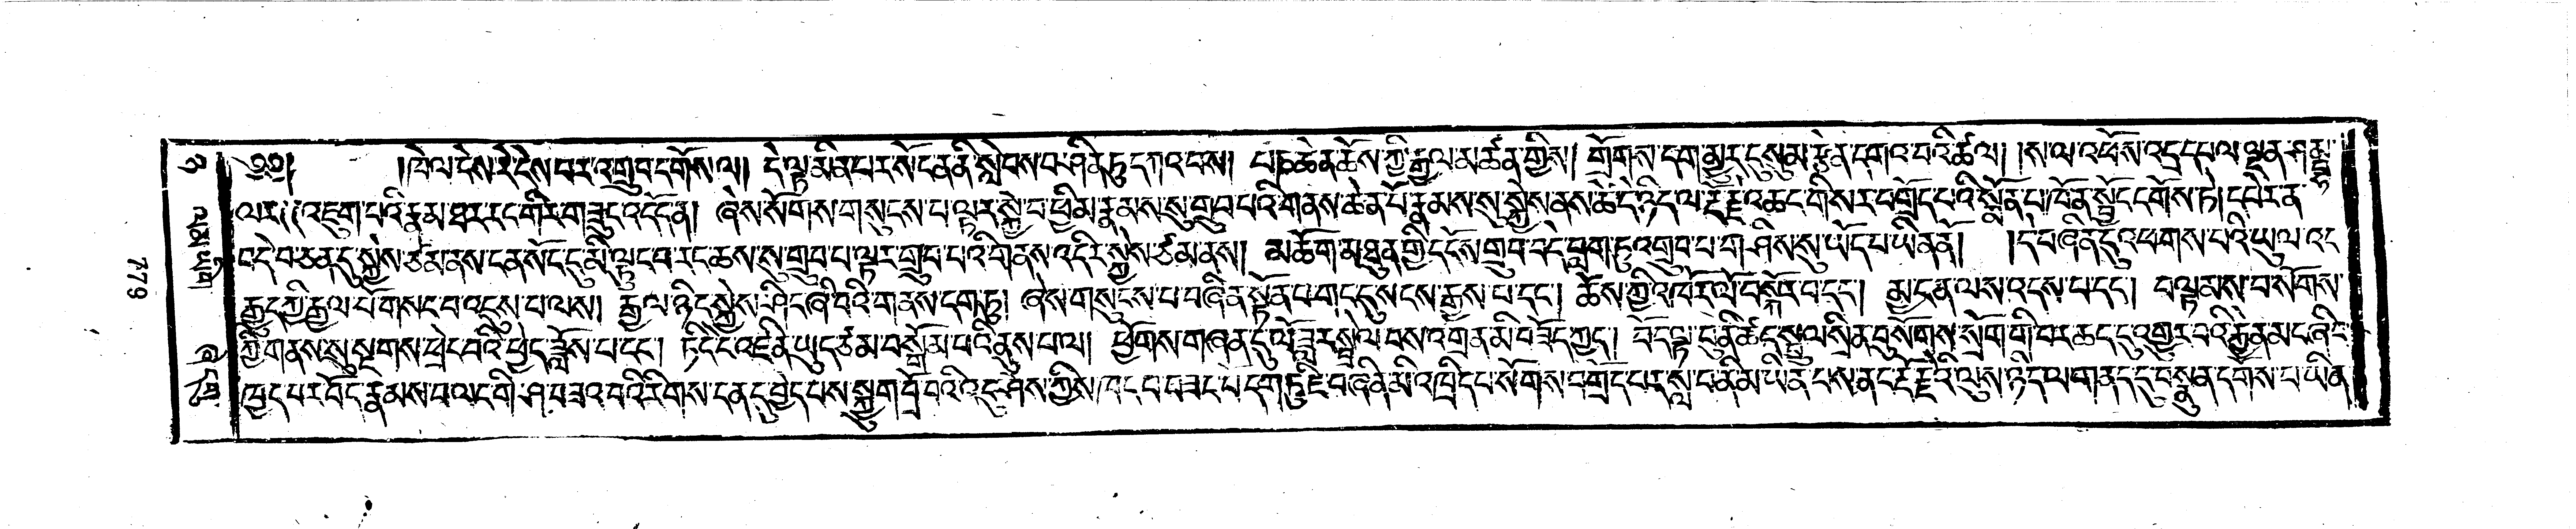༄༅། །ཁེལ་ངེས་རེ་ངེས་པར་འགྲུབ་དགོས་ལ། དེ་ལྟ་མིན་པར་སོང་ན་ནི་སླེབས་བ་ཤིན་ཏུ་དཀའ་བས། པཎ་ཆེན་ཆོས་ཀྱི་རྒྱལ་མཚན་གྱིས། གྲོགས་དག་མྱུར་དུ་སུམ་རྩེན་དགའ་བའི་ཚལ། །ས་ལ་འཕོས་འདྲ་དཔལ་ལྡན་ཤམྦྷ་
ལར༑ ༑འཇུག་པའི་རྣམ་ཐར་རང་གིར་གཟུང་འདོད་ན། ཞེས་སོགས་གསུངས་པ་ལྟར་སྐྱེ་བ་ཕྱི་མ་རྣམས་སུ་གྲུབ་པའི་གནས་ཆེན་པོ་རྣམས་སུ་སྐྱེས་ནས་ཚེ་དེ་ཉིད་ལ་རྡོ་རྗེ་འཆང་གི་སར་བགྲོད་པའི་སྨོན་པ་ཁོ་ན་སྦྱོང་དགོས་ཏེ། དཔེར་ན་
བདེ་བ་ཅན་དུ་སྐྱེས་ཙམ་ནས་ངན་སོང་དུ་མི་ལྟུང་བ་རང་ཆས་སུ་གྲུབ་པ་ལྟར་གྲུབ་པའི་གནས་འདིར་སྐྱེས་ཙམ་ནས། མཆོག་མཐུན་གྱི་དངོས་གྲུབ་བདེ་བླག་ཏུ་འགྲུབ་པ་གཤིས་སུ་ཡོད་པ་ཡིན་ནོ། །དེ་བཞིན་དུ་འཕགས་པའི་ཡུལ་འང་
རྒྱུད་ཀྱི་རྒྱལ་པོ་གསང་བ་འདུས་པ་ལས། རྒྱལ་ཉིད་སྐྱེས་ཤིང་ཞི་བའི་གནས་དག་ཏུ། ཞེས་གསུངས་པ་བཞིན་སྟོན་པ་གང་དུས་སངས་རྒྱས་པ་དང་། ཆོས་ཀྱི་འཁོར་ལོ་བསྐོར་བ་དང་། མྱ་ངན་ལས་འདས་པ་དང་། བལྟམས་པ་སོགས་
ཀྱི་གནས་སུ་སྔགས་ཕྲེང་བའི་ཕྱེད་ཟློས་པ་དང་། ཏིང་ངེ་འཛིན་ཡུད་ཙམ་བསྒོམ་པའི་ནུས་པ་ལ། ཕྱོགས་གཞན་དུ་ལོ་ཟླར་སྦྲེལ་བས་འགྲན་མི་བཟོད་ཀྱང་། བོད་ལྟ་བུ་ནི་ཚད་སྦྲུལ་སྲིན་བུ་སོགས་སྲོག་གི་བར་ཆད་དུ་འགྱུར་བའི་རྐྱེན་མང་ཞིང་
ཁྱད་པར་བོད་རྣམས་བ་ལང་གི་ཤ་བཟའ་བའི་རིགས་ནང་དུ་བྱེད་པས་སྐྱུག་བྲོ་བའི་འདུ་ཤེས་ཀྱིས་ཁང་བ་བཟང་པོ་དག་ཏུ་ཇི་བཞིན་མི་འཁྲིད་པ་སོགས་བགྲོད་པར་སླ་བ་ནི་མ་ཡིན་པས་ནང་རྡོ་རྗེའི་ལུས་ཉིད་ལ་གནད་དུ་བསྣུན་དགོས་པ་ཡིན་